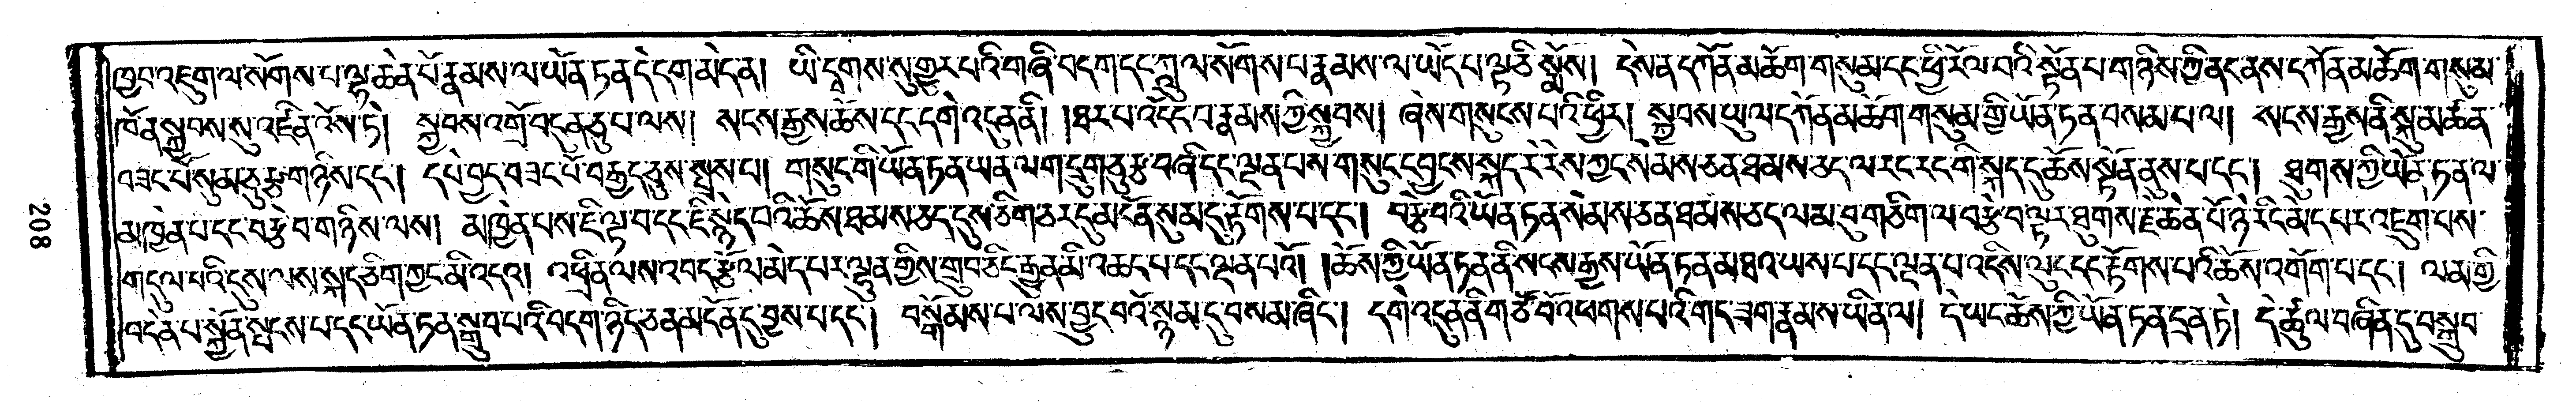ཁྱབ་འཇུག་ལ་སོགས་པ་ལྷ་ཆེན་པོ་རྣམས་ལ་ཡོན་ཏན་དེ་དག་མེད་ན། ཡི་དྭགས་སུ་གྱུར་པའི་གཞི་བདག་དང་ཀླུ་ལ་སོགས་པ་རྣམས་ལ་ཡོད་པ་ལྟ་ཅི་སྨོས། དེས་ན་དཀོན་མཆོག་གསུམ་དང་ཕྱི་རོལ་པའི་སྟོན་པ་གཉིས་ཀྱི་ནང་ནས་དཀོན་མཆོག་གསུམ་
ཁོ་ན་སྐྱབས་སུ་འཛིན་འོས་ཏེ། སྐྱབས་འགྲོ་བདུན་ཅུ་པ་ལས། སངས་རྒྱས་ཆོས་དང་དགེ་འདུན་ནི། །ཐར་པ་འདོད་པ་རྣམས་ཀྱི་སྐྱབས། ཞེས་གསུངས་པའི་ཕྱིར། སྐྱབས་ཡུལ་དཀོན་མཆོག་གསུམ་གྱི་ཡོན་ཏན་བསམ་པ་ལ། སངས་རྒྱས་ནི་སྐུ་མཚན་
བཟང་པོ་སུམ་ཅུ་རྩ་གཉིས་དང་། དཔེ་བྱད་བཟང་པོ་བརྒྱད་ཅུས་སྤྲས་པ། གསུང་གི་ཡོན་ཏན་ཡན་ལག་དྲུག་ཅུ་རྩ་བཞི་དང་ལྡན་པས་གསུང་དབྱངས་སྐར་རེ་རེས་ཀྱང་སེམས་ཅན་ཐམས་ཅད་ལ་རང་རང་གི་སྐད་དུ་ཆོས་སྟོན་ནུས་པ་དང་། ཐུགས་ཀྱི་ཡོན་ཏན་ལ་
མཁྱེན་པ་དང་བརྩེ་བ་གཉིས་ལས། མཁྱེན་པས་ཇི་ལྟ་བ་དང་ཇི་སྙེད་པའི་ཆོས་ཐམས་ཅད་དུས་ཅིག་ཅར་དུ་མངོན་སུམ་དུ་རྟོགས་པ་དང་། བརྩེ་བའི་ཡོན་ཏན་སེམས་ཅན་ཐམས་ཅད་ལམ་བུ་གཅིག་ལ་བརྩེ་བ་ལྟར་ཐུགས་རྗེ་ཆེན་པོ་ཉེ་རིང་མེད་པར་འཇུག་པས་
གདུལ་པའི་དུས་ལས་སྐད་ཅིག་ཀྱང་མི་འདའ། འཕྲིན་ལས་འབད་རྩོལ་མེད་པར་ལྷུན་གྱིས་གྲུབ་ཅིང་རྒྱུན་མི་འཆད་པ་དང་ལྡན་པའོ། །ཆོས་ཀྱི་ཡོན་ཏན་ནི་སངས་རྒྱས་ཡོན་ཏན་མཐའ་ཡས་པ་དང་ལྡན་པ་འདིས་ལུང་དང་རྟོགས་པའི་ཆོས་འགོག་པ་དང་། ལམ་གྱི་
བདེན་པ་སྐྱོན་སྤངས་པ་དང་ཡོན་ཏན་སྒྲུབ་པའི་བདག་ཉིད་ཅན་མངོན་དུ་བྱས་པ་དང་། བསྒོམས་པ་ལས་བྱུང་བའོ་སྙམ་དུ་བསམ་ཞིང་། དགེ་འདུན་ནི་གཙོ་བོ་འཕགས་པའི་གང་ཟག་རྣམས་ཡིན་ལ། དེ་ཡང་ཆོས་ཀྱི་ཡོན་ཏན་དྲན་ཏེ། དེ་ཚུལ་བཞིན་དུ་བསྒྲུབ་